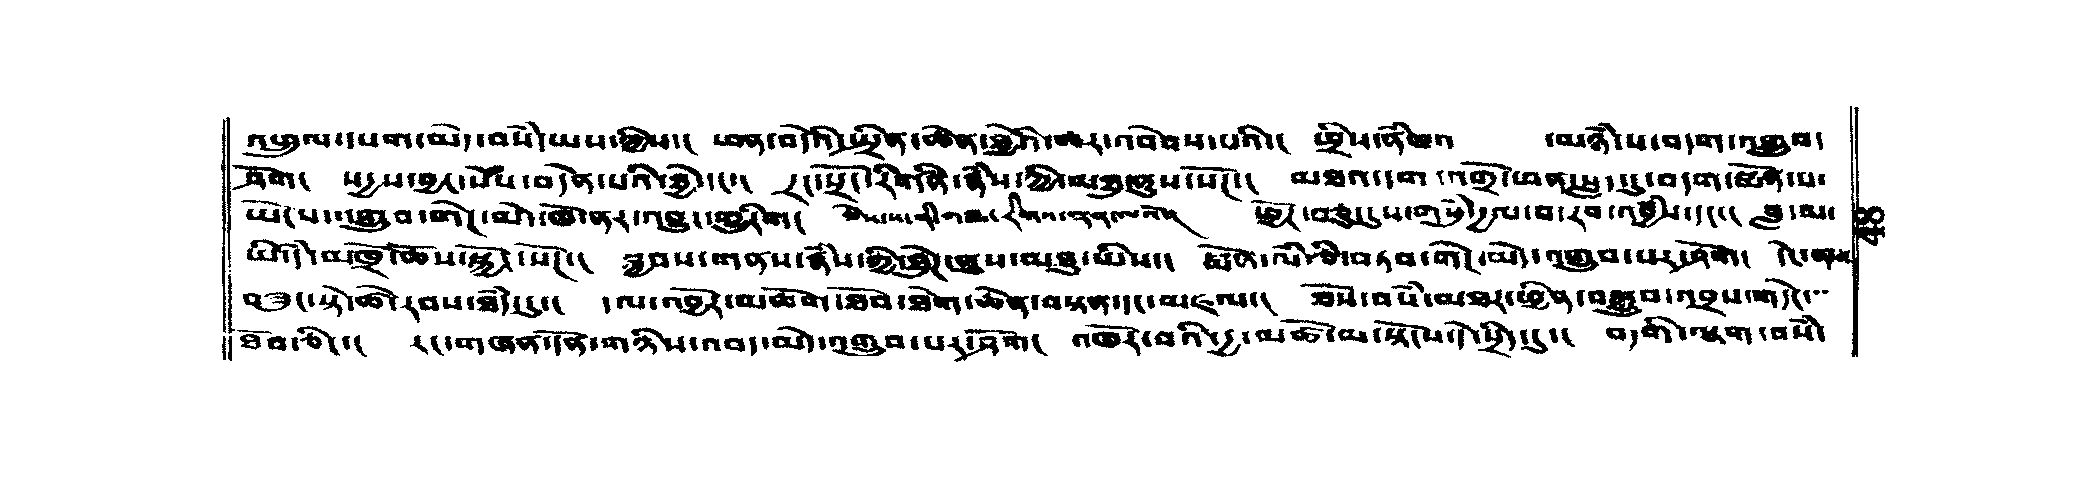འཕྲུལ་དཔག་མེད་བསམ་ཡས་ཀྱིས། །ཕན་བདེའི་སྤྲིན་ཆེན་ཐུགས་རྗེའི་ཆར་འབེབས་པའི། །ཕྲིན་ལས་ནམ་མཁའ་མཉམ་པ་བདག་འགྲུབ་
ཤོག །སངས་རྒྱས་བྱང་སེམས་བདེན་པའི་ཐུགས་རྗེ་དང་། །དྲང་སྲོང་རིག་འཛིན་རྣམས་ཀྱི་མཐུ་ནུས་སོགས། །མཐའ་དག་འགྲོ་ཕན་སླད་དུ་བདག་སྨོན་པ། །
ཡོངས་འགྲུབ་གེགས་མེད་ཁོ་ནར་འབྱུང་གྱུར་ཅིག ཅེས་པ་ནི་ཀརྨ་རིགས་ལྡན་ལའོ།། ཕྱོགས་བཅུ་དུས་གསུམ་རྒྱལ་བ་རབ་འབྱམས་དང་། །བླ་མ་
ཡི་དམ་མཁའ་འགྲོ་ཆོས་སྐྱོང་སོགས། །སྐྱབས་གནས་རྣམས་ཀྱི་ཐུགས་རྗེ་ནུས་མཐུ་ཡིས། །སྨོན་ལམ་ཅི་བཏབ་གེགས་མེད་འགྲུབ་པར་ཤོག །དེང་ནས་
བཟུང་སྟེ་ཚེ་རབས་ཐམས་ཅད་དུ། །དལ་འབྱོར་མཆོག་ཐོབ་ཐེག་ཆེན་བསྟན་དང་མཇལ། །ཐོས་བསམ་མཐར་ཕྱིན་སྒྲུབ་འབྲས་གདེང་
ཐོབ་ཅིང་། །རང་གཞན་དོན་གཉིས་འབད་མེད་འགྲུབ་པར་ཤོག །འཁོར་བའི་རྒྱ་མཚོ་མ་སྟོངས་དེ་སྲིད་དུ། །བདག་གི་ལྷག་བསམ་